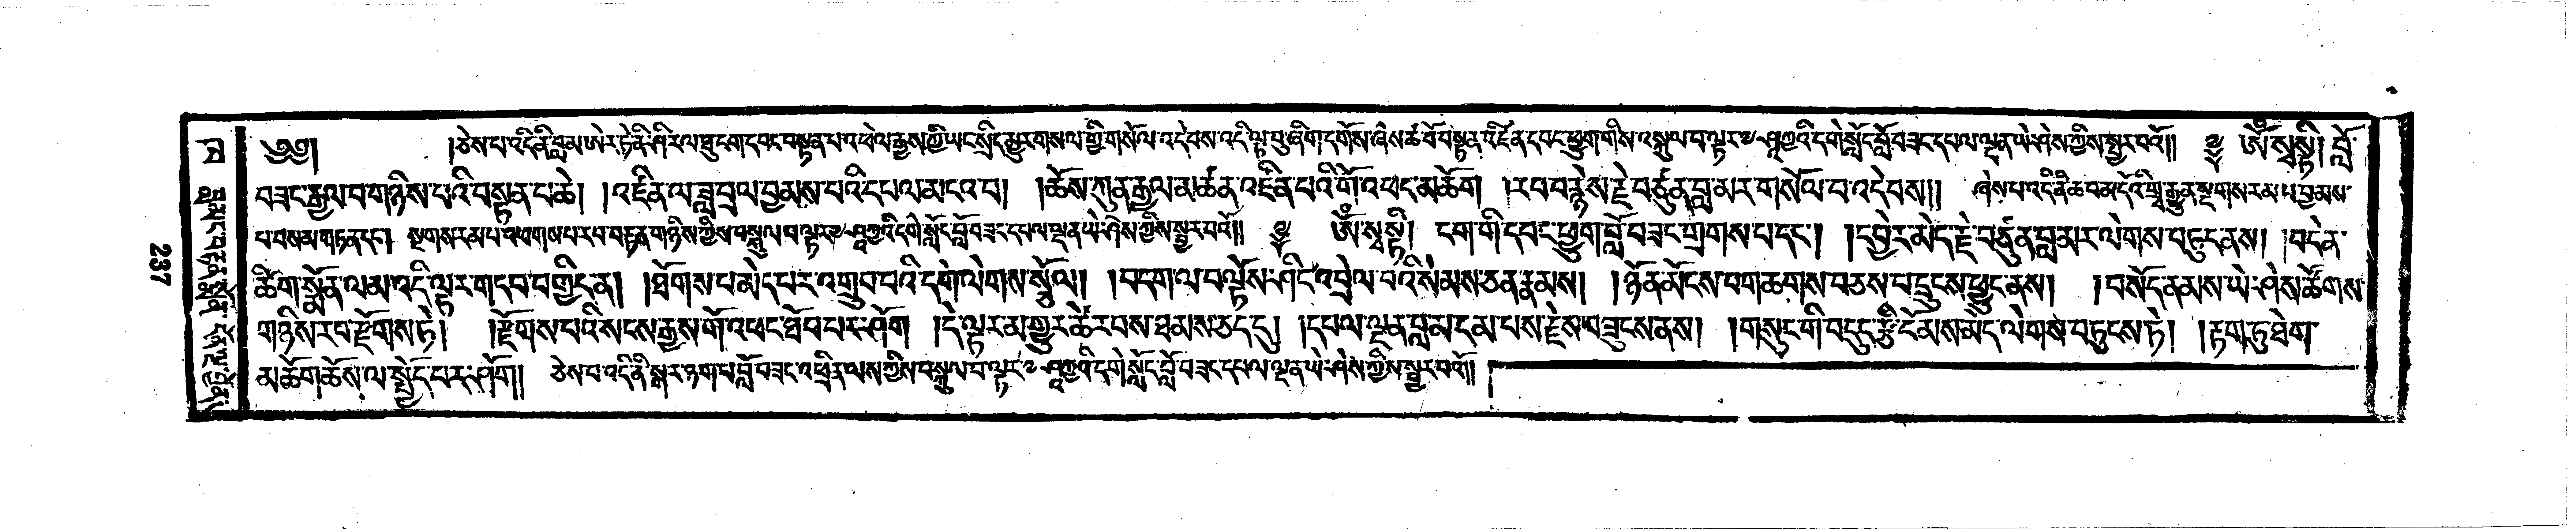༄༅། །ཅེས་པ་འདི་ནི་བླ་མ་ཨེར་ཏེ་ནི་ཤི་རལ་ཐུ་ངག་དབང་བསྟན་པ་འཕེལ་རྒྱས་ཀྱི་ཡང་སྲིད་མྱུར་གསལ་གྱི་གསོལ་བ་འདེབས་འདི་ལྟ་བུ་ཞིག་དགོས་ཞེས་ཚ་བོ་བསྟན་འཛིན་དབང་ཕྱུག་གིས་བསྐུལ་བ་ལྟར་༧་ཤཱཀྱའི་དགེ་སློང་བློ་བཟང་དཔལ་ལྡན་ཡེ་ཤེས་ཀྱིས་སྦྱར་བའོ།། ༈ ཨོཾ་སྭསྟི། བློ་
བཟང་རྒྱལ་བ་གཉིས་པའི་བསྟན་པ་ཆེ། །འཛིན་ལ་ཟླ་བྲལ་བྱམས་པའི་དཔལ་མངའ་བ། །ཆོས་ཀུན་རྒྱལ་མཚན་འཛིན་པའི་གོ་འཕང་མཆོག །རབ་བརྙེས་རྗེ་བཙུན་བླ་མར་གསོལ་བ་འདེབས།། ཞེས་པ་འདི་ནི་ཆབ་མདོའི་གྲྭ་སྔས་རམ་པ་བྱམས་
པ་བསམ་གཏན་དང་། སྔགས་རམ་པ་འཕགས་པ་རབ་བརྟན་གཉིས་ཀྱིས་བསྐུལ་བལྟར་༧་ཤཱཀྱའི་དགེ་སློང་བློ་བཟང་དཔལ་ལྡན་ཡེ་ཤེས་ཀྱིས་སྦྱར་བའོ།། ༈ ཨོཾ་སྭསྟི། ངག་གི་དབང་ཕྱུག་བློ་བཟང་གྲགས་པ་དང་། །དབྱེར་མེད་རྗེ་བཙུན་བླ་མར་ལེགས་བཏུང་ནས། །བདེན་
ཚིག་སྨོན་ལམ་འདི་ལྟར་གདབ་བགྱིད་ན། །ཐོགས་པ་མེད་པར་འགྲུབ་པའི་དགེ་ལེགས་སྩོལ། །བདག་ལ་བལྟོས་ཤིང་འབྲེལ་བའི་སེམས་ཅན་རྣམས། །ཉོན་མོངས་བག་ཆགས་བཅས་པ་དྲུངས་ཕྱུང་ནས། །བསོད་ནམས་ཡེ་ཤེས་ཚོགས་
གཉིས་རབ་རྫོགས་ཏེ། །རྫོགས་པའི་སངས་རྒྱས་གོ་འཕང་ཐོབ་པར་ཤོག །དེ་ལྟར་མ་གྱུར་ཚེ་རབས་ཐམས་ཅད་དུ། །དཔལ་ལྡན་བླ་མ་དམ་པས་རྗེས་བཟུངས་ནས། །གསུང་གི་བདུད་རྩི་ངོམས་མེད་ལེགས་བཏུངས་ཏེ། །རྟག་ཏུ་ཐེག་
མཆོག་ཆོས་ལ་སྤྱོད་པར་ཤོག། ཅེས་པ་འདི་ནི་སྒ་ར་ཉག་པ་བློ་བཟང་འཕྲིན་ལས་ཀྱིས་བ་སྐུལ་བ་ལྟར་༧་ཤཱཀྱའི་དགེ་སློང་བློ་བཟང་དཔལ་ལྡན་ཡེ་ཤེས་ཀྱིས་སྦྱར་བའོ།།